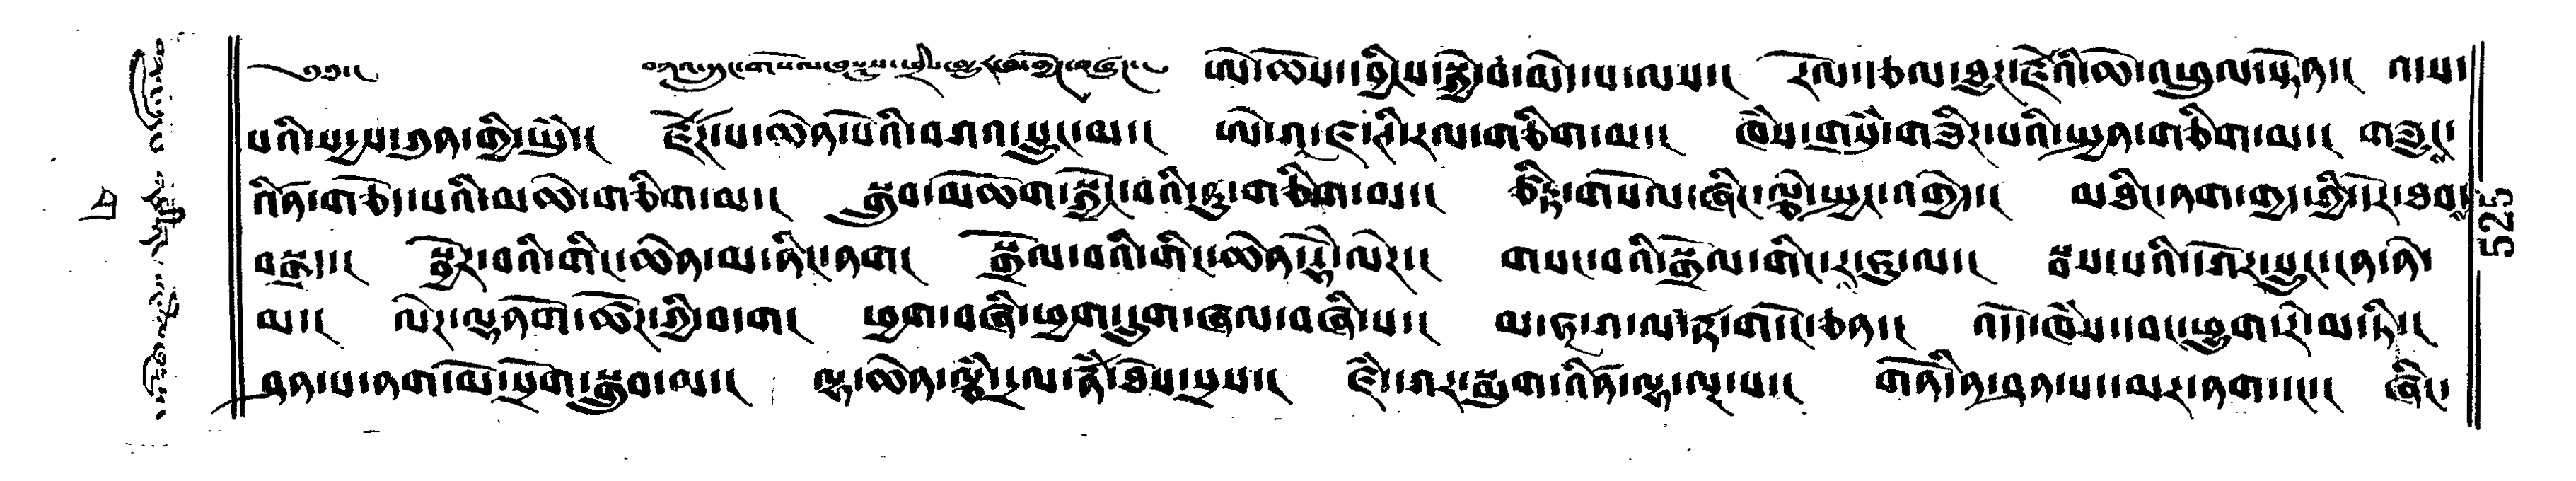༄༅། བཀའ་སྲུང་གསོལ་བསྡུས་ཕྲིན་ལས་མྱུར་མགྱོགས་བཞུགས། ཨེ་ཆོས་དབྱིངས་སྐྱེ་བ་མེད་པ་ལས། །རོལ་རྩལ་ཐུགས་རྗེའི་ཆོ་འཕྲུལ་སྟོན། །འདས་
པའི་སངས་རྒྱས་རྣམས་ཀྱི་ཡུམ། །རྫོགས་པ་ཆེན་པོའི་བཀའ་སྲུང་མ། །ཨེ་ཀཱ་ཛ་ཊི་རལ་གཅིག་མ། །ཁམས་གསུམ་གཟིགས་པའི་སྤྱན་གཅིག་མ། །གཟུང་
འཛིན་གཅོད་པའི་མཆེ་གཅིག་མ། །སྒྲུབ་མཆོག་སྐྱོང་བའི་ནུ་གཅིག་མ། །ཙིཏྟ་གསོལ་ཞིང་ལྕེ་སྤྱང་འགྱེད། །མཐིང་ནག་གྱད་གྱི་འདོར་སྟབས་
བསྒྲད། །སྦྱོར་བའི་གིང་ཆེན་མ་ནིང་ནག །སྒྲོལ་བའི་གིང་ཆེན་རྡོ་རྗེ་ལེགས། །གསང་བའི་སྒྲོལ་གིང་རཱ་ཧུ་ལ། །སྦས་པའི་དཀོར་སྲུང་ངན་ནེ་
མ། །ལེགས་ལྡན་ནག་པོ་ཚོགས་གྱི་བདག །ཕྱག་བཞི་ཕྱག་དྲུག་ཞལ་བ་བཞི་པ། །མ་ཧཱ་ཀ་ལ་རྟ་གདོང་ཅན། །འདོད་ཁམས་དབང་ཕྱུག་རེ་མ་ཏི། །
ཤན་པ་ནག་མོ་སྲོག་སྒྲུབ་མ། །ལྷ་ཆེན་ལྕམ་དྲལ་རྣམ་ཐོས་སྲས། །ཛམ་དཀར་སྨུག་འཛིན་ལྷ་ལྔ་པ། །གནོད་སྦྱིན་ཤན་པ་དམར་ནག་དང་། །ཞིང་